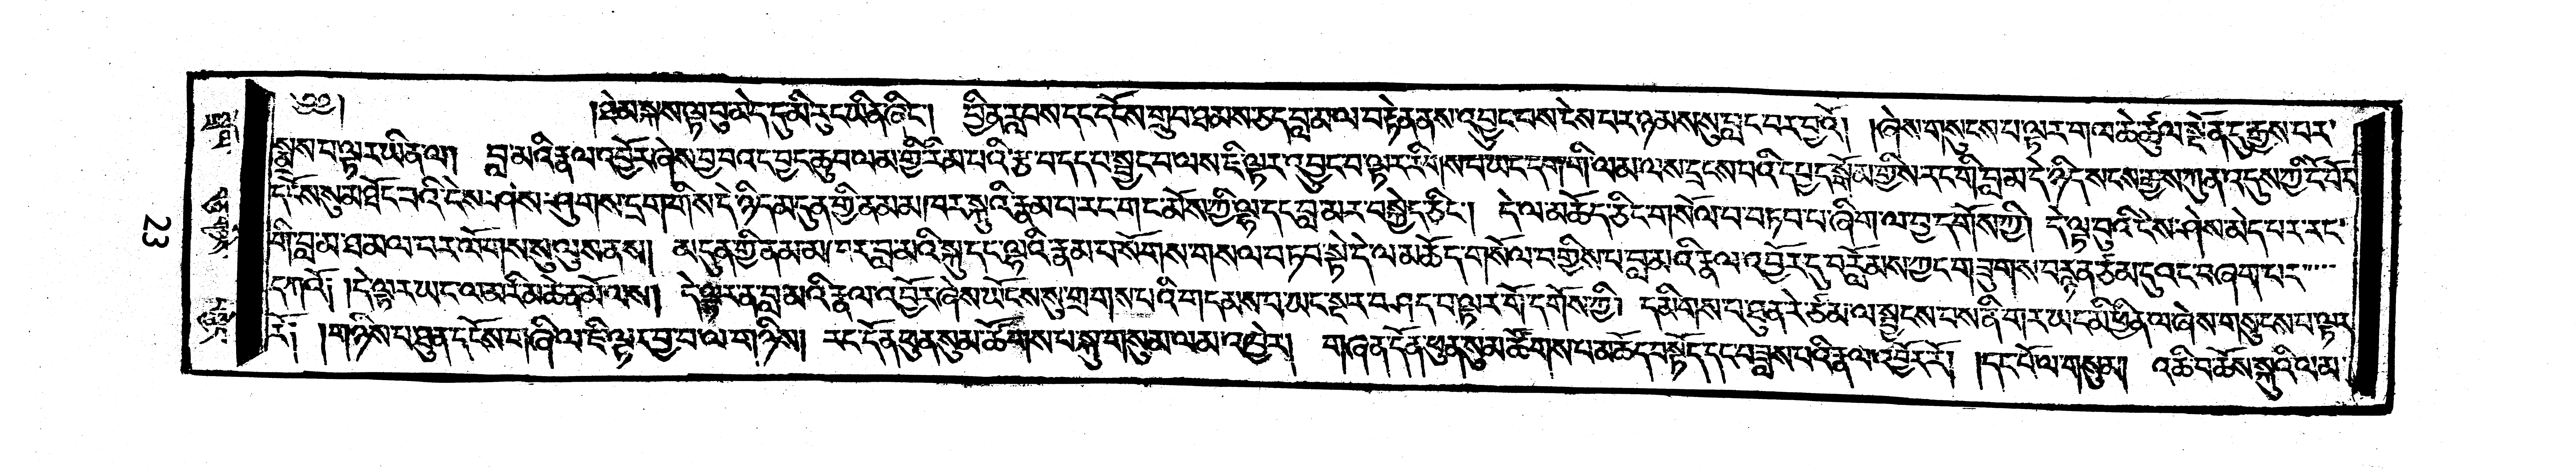༄༅། །ཐེམ་སྐས་ལྟ་བུ་མེད་དུ་མི་རུང་ཡིན་ཞིང་། བྱིན་རླབས་དང་དངོས་གྲུབ་ཐམས་ཅད་བླ་མ་ལ་བརྟེན་ནས་འབྱུང་བས་ངེས་པར་ཉམས་སུ་བླང་བར་བྱའོ། །ཞེས་གསུངས་པ་ལྟར་གལ་ཆེ་ཚུལ་སྔོན་དུ་རྒྱས་པར་
སྨྲས་པ་ལྟར་ཡིན་ལ། བླ་མའི་རྣལ་འབྱོར་ཞེས་བྱ་བའང་བྱང་ཆུབ་ལམ་གྱི་རིམ་པའི་རྩ་བ་དད་པ་སྦྱང་བ་ལས་ཇི་ལྟར་འབྱུང་བ་ལྟར་རིགས་པ་ཡང་དག་གི་ལམ་ལས་དྲངས་པའི་དཔྱད་སྒོམ་གྱིས་རང་གི་བླ་མ་དེ་ཉིད་སངས་རྒྱས་ཀུན་འདུས་ཀྱི་ངོ་བོར་
དངོས་སུ་མཐོང་པའི་ངེས་ཤེས་ཤུགས་དྲག་གིས་དེ་ཉིད་མདུན་གྱི་ནམ་མཁར་སྐུའི་རྣམ་པ་རང་གང་མོས་ཀྱི་ལྷ་དང་བླ་མར་བསྐྱེད་ཅིང་། དེ་ལ་མཆོད་ཅིང་གསོལ་བ་བཏབ་པ་ཞིག་ལ་བྱ་དགོས་ཀྱི། དེ་ལྟ་བུའི་ངེས་ཤེས་མེད་པར་རང་
གི་བླ་མ་ཐ་མལ་བར་ལོགས་སུ་ལུས་ནས། མདུན་གྱི་ནམ་མཁར་བླ་མའི་སྐུ་དང་ལྷའི་རྣམ་པ་སོགས་གསལ་བཏབ་སྟེ་དེ་ལ་མཆོད་གསོལ་བགྱིས་པ་བླ་མའི་རྣལ་འབྱོར་དུ་བརློམས་ཀྱང་གཟུགས་བརྙན་ཙམ་དུའང་བཞག་པར་
དཀའོ༑ །དེ་ལྟར་ཡང་ལམ་རིན་ཆེན་མོ་ལས། དེ་ལྟར་ན་བླ་མའི་རྣལ་འབྱོར་ཞེས་ཡོངས་སུ་གྲགས་པའི་གདམས་པ་ཡང་སྔར་བཤད་པ་ལྟར་གོ་དགོས་ཀྱི། དམིགས་པ་ཐུན་རེ་ཙམ་ལ་སྦྱངས་པས་ནི་གར་ཡང་མི་ཕྱིན་ལ་ཞེས་གསུངས་པ་ལྟར་
རོ༑ །གཉིས་པ་ཐུན་དངོས་གཞི་ལ་ཇི་ལྟར་བྱ་བ་ལ་གཉིས། རང་དོན་ཕུན་སུམ་ཚོགས་པ་སྐུ་གསུམ་ལམ་འཁྱེར། གཞན་དོན་ཕུན་སུམ་ཚོགས་པ་མཆོད་བསྟོད་དང་བཟླས་པའི་རྣལ་འབྱོར་རོ། །དང་པོ་ལ་གསུམ། འཆི་བ་ཆོས་སྐུའི་ལམ་